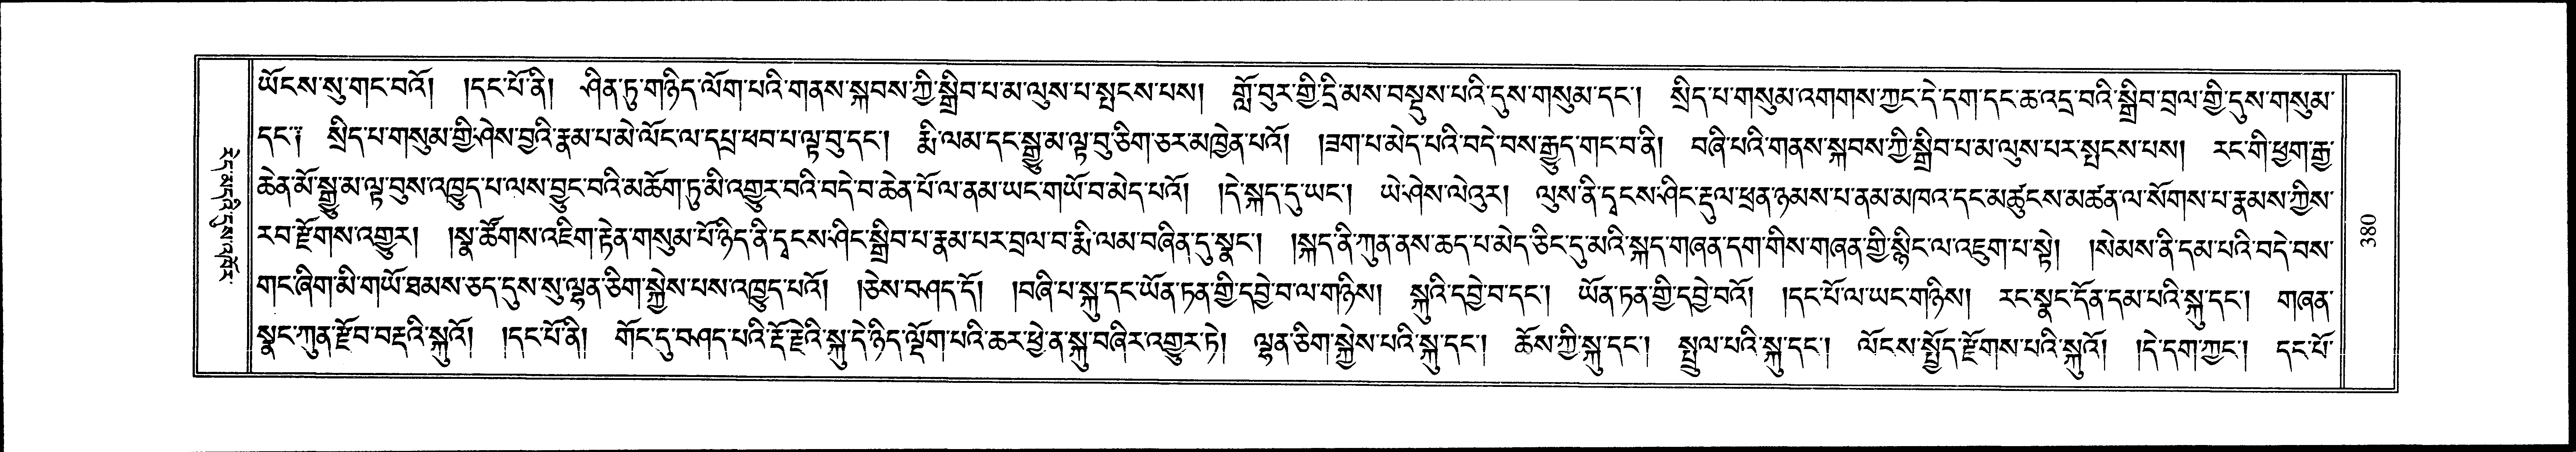ཡོངས་སུ་གང་བའོ། །དང་པོ་ནི། ཤིན་ཏུ་གཉིད་ལོག་པའི་གནས་སྐབས་ཀྱི་སྒྲིབ་པ་མ་ལུས་པ་སྤངས་པས། གློ་བུར་གྱི་དྲི་མས་བསྡུས་པའི་དུས་གསུམ་དང་། སྲིད་པ་གསུམ་འགགས་ཀྱང་དེ་དག་དང་ཆ་འདྲ་བའི་སྒྲིབ་བྲལ་གྱི་དུས་གསུམ་
དང་། སྲིད་པ་གསུམ་གྱི་ཤེས་བྱའི་རྣམ་པ་མེ་ལོང་ལ་དཔྲ་ཕབ་པ་ལྟ་བུ་དང་། རྨི་ལམ་དང་སྒྱུ་མ་ལྟ་བུ་ཅིག་ཅར་མཁྱེན་པའོ། །ཟག་པ་མེད་པའི་བདེ་བས་རྒྱུད་གང་བ་ནི། བཞི་པའི་གནས་སྐབས་ཀྱི་སྒྲིབ་པ་མ་ལུས་པར་སྤངས་པས། རང་གི་ཕྱག་རྒྱ་
ཆེན་མོ་སྒྱུ་མ་ལྟ་བུས་འཁྱུད་པ་ལས་བྱུང་བའི་མཆོག་ཏུ་མི་འགྱུར་བའི་བདེ་བ་ཆེན་པོ་ལ་ནམ་ཡང་གཡོ་བ་མེད་པའོ། །དེ་སྐད་དུ་ཡང་། ཡེ་ཤེས་ལེའུར། ལུས་ནི་དྭངས་ཤིང་རྡུལ་ཕྲན་ཉམས་པ་ནམ་མཁའ་དང་མཚུངས་མཚན་ལ་སོགས་པ་རྣམས་ཀྱིས་
རབ་རྫོགས་འགྱུར། །སྣ་ཚོགས་འཇིག་རྟེན་གསུམ་པོ་ཉིད་ནི་དྭངས་ཤིང་སྒྲིབ་པ་རྣམ་པར་བྲལ་བ་རྨི་ལམ་བཞིན་དུ་སྣང་། །སྐད་ནི་ཀུན་ནས་ཆད་པ་མེད་ཅིང་དུ་མའི་སྐད་གཞན་དག་གིས་གཞན་གྱི་སྙིང་ལ་འཇུག་པ་སྟེ། །སེམས་ནི་དམ་པའི་བདེ་བས་
གང་ཞིག་མི་གཡོ་ཐམས་ཅད་དུས་སུ་ལྷན་ཅིག་སྐྱེས་པས་འཁྱུད་པའོ། །ཅེས་བཤད་དོ། །བཞི་པ་སྐུ་དང་ཡོན་ཏན་གྱི་དབྱེ་བ་ལ་གཉིས། སྐུའི་དབྱེ་བ་དང་། ཡོན་ཏན་གྱི་དབྱེ་བའོ། །དང་པོ་ལ་ཡང་གཉིས། རང་སྣང་དོན་དམ་པའི་སྐུ་དང་། གཞན་
སྣང་ཀུན་རྫོབ་བརྡའི་སྐུའོ། །དང་པོ་ནི། གོང་དུ་བཤད་པའི་རྡོ་རྗེའི་སྐུ་དེ་ཉིད་ལྡོག་པའི་ཆར་ཕྱེ་ན་སྐུ་བཞིར་འགྱུར་ཏེ། ལྷན་ཅིག་སྐྱེས་པའི་སྐུ་དང་། ཆོས་ཀྱི་སྐུ་དང་། སྤྲུལ་པའི་སྐུ་དང་། ལོངས་སྤྱོད་རྫོགས་པའི་སྐུའོ། །དེ་དག་ཀྱང་། དང་པོ་